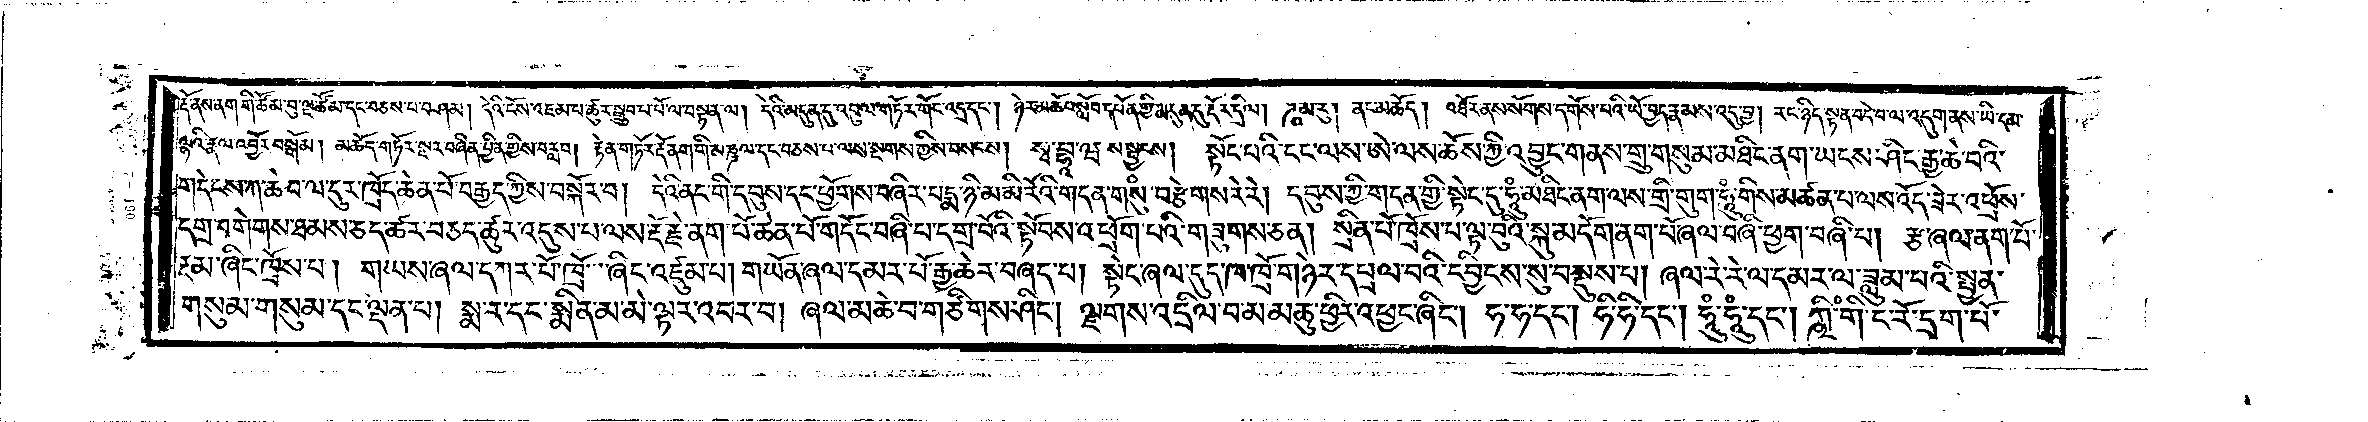རྡོ་ནས་ནག་གི་ཚོམ་བུ་ལྔ་ཚོམ་དང་བཅས་པ་བཤམ། དེའི་ངོས་འཇམ་པ་ཚུར་སྒྲུབ་པ་པོ་ལ་བསྟན་ལ། དེའི་མདུན་དུ་འབུལ་གཏོར་གོང་འདྲ་དང་། ཉེར་མཆོད་།སློབ་དཔོན་གྱི་མདུན་དུ་རྡོར་དྲིལ། ཌཱ་མ་རུ། ནང་མཆོད། འཐོར་ནས་སོགས་དགོས་པའི་ཡོ་བྱད་རྣམས་འདུ་བྱ། རང་ཉིད་སྟན་བདེ་བ་ལ་འདུག་ནས་ཡི་དམ་
ལྷའི་རྣལ་འབྱོར་བསྒོམ། མཆོད་གཏོར་སྔར་བཞིན་བྱིན་གྱིས་བརླབ། རྟེན་གཏོར་རྡོ་ནག་གི་མཎྜལ་དང་བཅས་པ་ལས་སྔགས་ཀྱིས་བསངས། སྭ་བྷཱ་ཝས་སྦྱངས།  སྟོང་པའི་ངང་ལས་ཨེ་ལས་ཆོས་ཀྱི་འབྱུང་གནས་གྲུ་གསུམ་མཐིང་ནག་ཡངས་ཤིང་རྒྱ་ཆེ་བའི་
གདེངས་ཀ་ཆེ་བ་ལ་དུར་ཁྲོད་ཆེན་པོ་བརྒྱད་ཀྱིས་བསྐོར་པ། དེའི་ནང་གི་དབུས་དང་ཕྱོགས་བཞིར་པདམ་ཉི་མ་མི་རོའི་གདན་གསུཾ་བརྩེགས་རེ་རེ། དབུས་ཀྱི་གདན་གྱི་སྟེང་དུ་ཧཱུཾ་མཐིང་ནག་ལས་གྲི་གུག་ཧཱུཾ་གིས་མཚན་པ་ལས་འོད་ཟེར་འཕྲོས་
དགྲ་བགེགས་ཐམས་ཅད་ཚར་བཅད་ཚུར་འདུས་པ་ལས་རྡོ་རྗེ་ནག་པོ་ཆེན་པོ་གདོང་བཞི་པ་དགྲ་བོའི་སྟོབས་འཕྲོག་པའི་གཟུགས་ཅན། སྲིན་པོ་ཁྲོས་པ་ལྟ་བུའི་སྐུ་མདོག་ནག་པོ་ཞལ་བཞི་ཕྱག་བཞི་པ། རྩ་ཞལ་ནག་པོ་
རྔམ་ཞིང་ཁྲོས་པ། གཡས་ཞལ་དཀར་པོ་ཁྲོ་ཞིང་འཛུམ་པ། གཡོན་ཞལ་དམར་པོ་རྒྱ་ཆེར་བཞད་པ། སྟེང་ཞལ་དུད་ཁ་ཁྲོ་གཉེར་དཔྲལ་བའི་དབྱིངས་སུ་བསྡུས་པ། ཞལ་རེ་རེ་ལ་དམར་ལ་ཟླུམ་པའི་སྤྱན་
གསུམ་གསུམ་དང་ལྡན་པ། སྨ་ར་དང་སྨིན་མ་མེ་ལྟར་འབར་བ། ཞལ་མཆེ་བ་གཙིགས་ཤིང་། ལྗགས་འདྲིལ་བ་མ་མ་ཆུ་ཕྱིར་འཕྱང་ཞིང་། ཧ་ཧ་དང་། ཧི་ཧི་དང་། ཧཱུཾ་ཧཱུཾ་དང་། ཀྵིཾ་གི་བ་རོ་དྲག་པ་